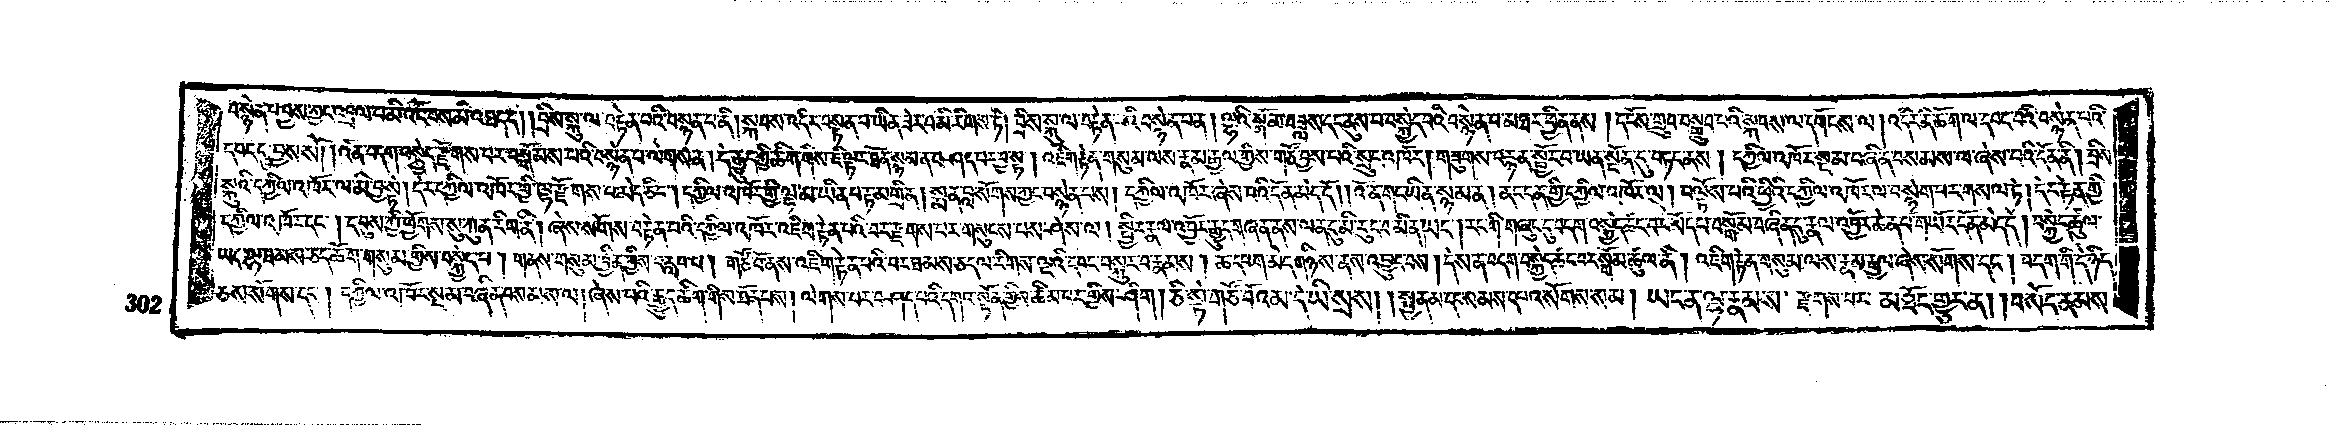བསྙེན་པ་བྱས་ཀྱང་འབྲལ་བ་མི་འོང་བས་མི་འཐད་དེ། །བྲིས་སྐུ་ལ་བརྟེན་པའི་བསྙེན་པ་ནི། སྐབས་འདིར་བསྟན་པ་ཡིན་ཟེར་བ་མི་རིགས་ཏེ། བྲིས་སྐུ་ལ་བརྟེན་པའི་བསྙེན་པ་ནི། ལྷའི་སྒོམ་བཟླས་དང་ནུས་པ་བསྐྱེད་པའི་བསྙེན་པ་མཐར་ཕྱིན་ནས། དངོས་གྲུབ་བསྒྲུབ་པའི་སྐབས་ལ་དགོངས་ལ། འདིར་ནི་ཆོ་ག་ལ་དབང་བའི་བསྙེན་པའི་
དབང་དུ་བྱས་སོ། །འོ་ན་བདག་བསྐྱེད་རྫོགས་པར་བསྒོམས་པའི་བསྙེན་པ་ལེགས་ན། དེ་རྒྱུད་ཀྱི་ཚིག་གིས་ཇི་ལྟར་ཐོན་སྙམ་ན་བཤད་པར་བྱ་སྟེ། འཇིག་རྟེན་གསུམ་ལས་རྣམ་རྒྱལ་གྱིས་གཙོ་བྱས་པའི་སྲུང་འཁོར། གཟུགས་བརྙན་སྦྱོར་བ་ཡིན་སྔོན་དུ་བཏང་ནས། དཀྱིལ་འཁོར་སྔ་མ་བཞིན་བསམས་ལ་ཞེས་པའི་དོན་ནི། བྲིས་
སྐུའི་དཀྱིལ་འཁོར་ལོ་མི་བྱ་སྟེ། དེར་དཀྱིལ་འཁོར་གྱི་ལྷ་རྫོགས་པ་མེད་ཅིང་། དཀྱིལ་འཁོར་གྱི་ལྷ་མ་ཡིན་པ་རྟ་མགྲིན། སྨན་བླ་སོགས་ཀྱང་བསྙེན་པས། དཀྱིལ་འཁོར་ཞེས་པའི་དོན་མེད་དོ། །འོ་ན་གང་ཡིན་སྙམ་ན། ནང་དོན་གྱི་དཀྱིལ་འཁོར་ལ། བལྟོས་པའི་ཕྱིའི་དཀྱིལ་འཁོར་ལ་བསྙེག་པར་གསལ་ཏེ། དེར་རྟེན་གྱི་
དཀྱིལ་འཁོར་དང་། དབུས་ཀྱི་ཕྱོགས་སུ་ཀུན་རིག་ནི། ཞེས་སོགས་བརྟེན་པའི་དཀྱིལ་འཁོར་འཇིག་རྟེན་པའི་བར་རྫོགས་པར་གསུངས་པས་ཤེས་ལ། སྤྱིར་རྣལ་འབྱོར་རྒྱུད་གཞན་ནས་ལན་དུ་མི་རུང་བ་མིན་ཡང་། རང་གི་གཞུང་དུ་བདག་བསྐྱེད་ཚང་བར་ཡོད་པ་བསྒོམ་བཞིན་དུ་རྣལ་འབྱོར་ཆེན་པོ་གཡོར་དོན་མེད་དེ། བསྐྱེད་ཚུལ་
ཡང་ལྷ་ཐམས་ཅད་ཆོ་ག་གསུམ་གྱིས་བསྐྱེད་པ། གནས་གསུམ་བྱིན་གྱིས་བརླབ་པ། གཙོ་བོ་ནས་འཇིག་རྟེན་པའི་བར་ཐམས་ཅད་ལ་རིགས་ལྔའི་དབང་བསྐུར་བ་རྣམས། ཚེ་དཔག་མེད་གཉིས་ནས་འབྱུང་བས། དེས་ན་བདག་བསྐྱེད་ཚང་བར་སྒོམ་ཚུལ་ནི། འཇིག་རྟེན་གསུམ་ལས་རྣམ་རྒྱལ་ཞེས་སོགས་དང་། བདག་གི་དེ་ཉིད་
ཅེས་སོགས་དང་། དཀྱིལ་འཁོར་སྔ་མ་བཞིན་བསམས་ལ། ཞེས་པའི་རྒྱུད་ཚིག་གིས་ཐོན་པས། ལེགས་པར་བཤད་པའི་དགའ་སྟོན་གྱིས་ཚིམ་པར་གྱིས་ཤིག །ཅི་སྟེ་གཙོ་བོའམ་དེ་ཡི་སྲས། །སྤྱན་མ་དང་སེམས་དཔའ་སོགས་སམ། ཡང་ན་ལྷ་རྣམས་རྫོགས་པར་མཐོང་གྱུར་ན། །བསོད་ནམས་